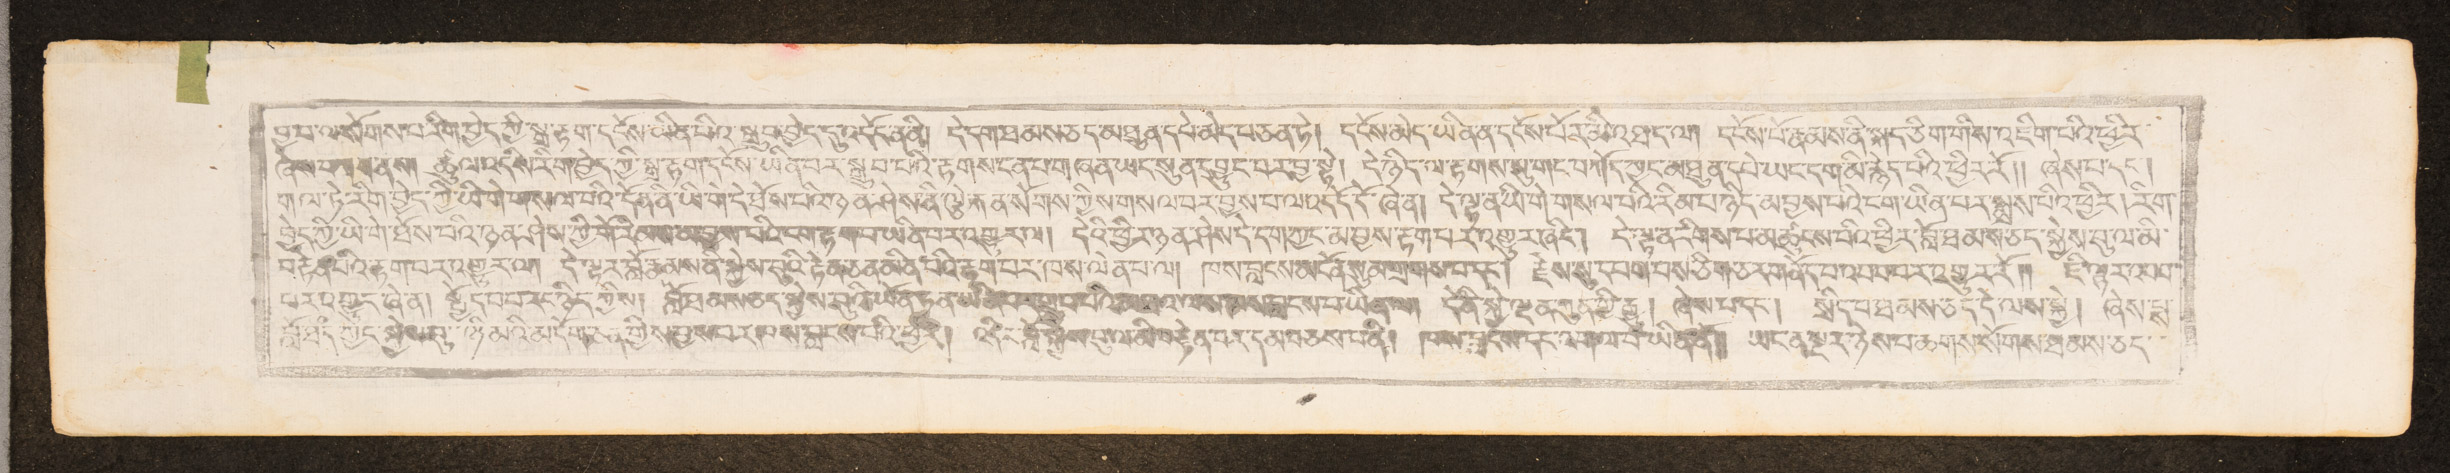བྱ་བ་ལ་སོགས་པ་རིག་བྱེད་ཀྱི་སྒྲ་རྟག་དངོས་ཡིན་པའི་སྒྲུབ་བྱེད་དུ་འདོད་ན་ནི། དེ་དག་ཐམས་ཅད་མཐུན་དཔེ་མེད་པ་ཅན་ཏེ། དངོས་མེད་ཡིན་ན་དངོས་པོར་མི་འཐད་ལ། དངོས་པོ་རྣམས་ནི་སྐད་ཅིག་གིས་འཇིག་པའི་ཕྱིར་
ཞེས་བཀག་ནས། ཚུལ་འདིས་རིག་བྱེད་ཀྱི་སྒྲ་རྟག་དངོས་ཡིན་པར་སྒྲུབ་པའི་རྟགས་ངན་པ་གཞན་ཡང་སུན་དབྱུང་བར་བྱ་སྟེ། དེ་ཉིད་ལ་རྟགས་སུ་གང་བཀོད་ཀྱང་མཐུན་དཔེ་ཡང་དག་མི་རྙེད་པའི་ཕྱིར་རོ།། ཞེས་པ་དང་།
གལ་ཏེ་རིག་བྱེད་ཀྱི་ཡི་གེ་གསལ་བའི་དོན་ནི་ཡི་གེ་དེ་ཐོས་པའི་ཉན་ཤེས་ནི་ལྕེ་རྐན་སོགས་ཀྱིས་གསལ་བར་བྱས་པ་ལ་འདོད་དོ་ཞེ་ན། དེ་ལྟ་ན་ཡི་གེ་གསལ་བའི་རིམ་པ་ཉིད་མ་བྱས་པའི་ངག་ཡིན་པར་སྨྲས་པའི་ཕྱིར། རིག་
བྱེད་ཀྱི་ཡི་གེ་ཐོས་པའི་ཉན་ཤེས་ཀྱི་གོ་རིམས་མ་བྱས་པའི་ངག་རྟག་པ་ཡིན་པར་འགྱུར་ལ། དེའི་ཕྱིར་ཉན་ཤེས་དེ་དག་ཀྱང་མ་བྱས་རྟག་པར་འགྱུར་ཞིང་། དེ་ལྟ་ན་རིགས་པ་མཚུངས་པའི་ཕྱིར་བློ་ཐམས་ཅད་སྐྱེས་བུ་ལ་མི་
བརྟེན་པའི་རྟག་པར་འགྱུར་ལ། དེ་ལྟར་བློ་རྣམས་ནི་སྐྱེས་བུའི་རྟེན་ཅན་མིན་པའི་རྟག་པར་ཁས་ལེན་པ་ལ། ཁས་བླངས་མངོན་སུམ་གྲགས་པ་དང་། རྗེས་སུ་དཔག་བས་ཅིག་ཅར་གནོད་བ་འབབ་པར་འགྱུར་རོ།། ཇི་ལྟར་འབབ་
པར་འགྱུར་ཞེ་ན། སྤྱོད་པ་པ་རང་ཉིད་ཀྱིས། བློ་ཐམས་ཅད་སྐྱེས་བུའི་ཡོན་ཏན་ཡིན་པར་གྲུབ་པའི་མཐའ་ལས་ཁས་བླངས་པ་ཡིན་ལ། དེ་ནི་སྐྱེ་ལྡན་ཀུན་གྱི་རྒྱུ། ཞེས་པ་དང་། སྲིད་པ་ཐམས་ཅད་དེ་ལས་སྐྱེ། ཞེས་པས་
བློ་ཐཾད་ཀྱང་སྐྱེས་བུ་ཉི་མའི་མདོག་ཅན་གྱིས་བྱས་པར་ཁས་བླངས་པའི་ཕྱིར། འདིར་བློ་སྐྱེས་བུ་ལ་མི་བརྟེན་བར་དམ་བཅས་པ་ནི། ཁས་བླངས་དང་འགལ་བ་ཡིན་ནོ།། ཡང་ན་སྔར་ཉེས་པ་ཆགས་སོགས་ཐམས་ཅད་